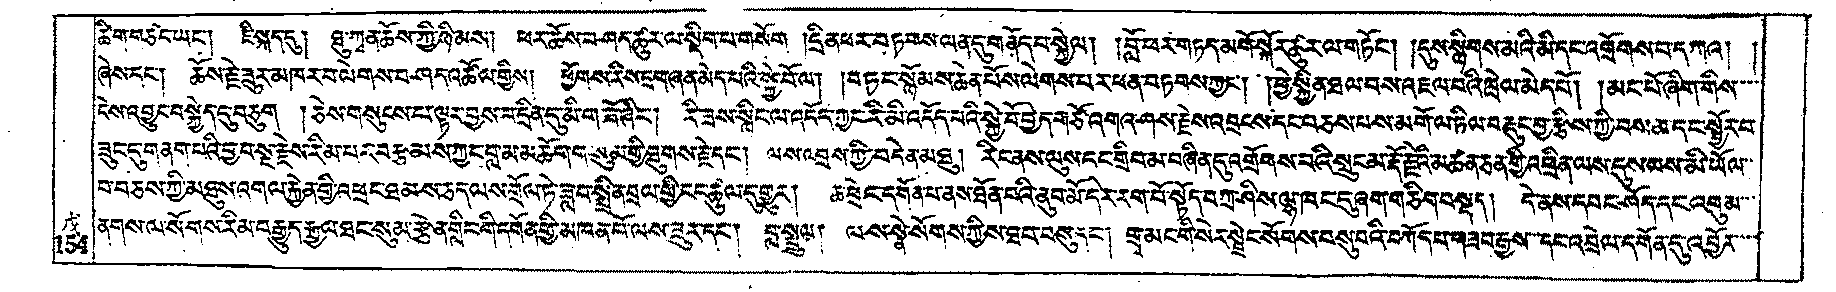ཚིག་གཙང་ཡང་། ཇི་སྐད་དུ། ཐུ་ཀྭན་ཆོས་ཀྱི་ཉི་མས། ཕར་ཆོས་བཤད་ཚུར་ལ་སྡིག་པ་གསོག །དྲིན་ཕར་བཏགས་ལན་དུ་གནོད་པ་སྐྱེལ། །བློ་ཕར་གཏད་མགོ་སྐོར་ཚུར་ལ་གཏོང་། །དུས་སྙིགས་མའི་མི་དང་འགྲོགས་པ་དཀའ། །
ཞེས་དང་། ཆོས་རྗེ་ཟུར་མཁར་བ་ལེགས་བཤད་འཚོལ་གྱིས། ཕྱོགས་རིས་དྲག་ཞན་མེད་པའི་སྐྱེ་བོ་ལ། །བཏང་སྙོམས་ཆེན་པོས་ལེགས་པར་ཕན་བཏགས་ཀྱང་། །ཕྱེ་སྐྱིན་ཐལ་བས་འཇལ་བའི་ཁྲེལ་མེད་པོ། །མང་པོ་ཞིག་གིས་
ངེས་འབྱུང་བསྐྱེད་དུ་བཅུག །ཅེས་གསུངས་པ་ལྟར་བྱས་པ་དྲིན་དུ་མི་གཟོ་ཞིང་། རི་ཟས་སྙིང་ལ་འདོད་ཀྱང་རི་མི་འདོད་པའི་སྐྱེ་བོ་བྱེད་གཙོ་འགའ་ཤས་རྗེས་འབྲངས་དང་བཅས་པས་མགོ་ལ་ཏིལ་བརྡུང་བྱ་རྩིས་ཀྱི་བསམ་དང་སྦྱོར་བ་
ཟུང་དུ་གནག་པའི་བྱ་བ་སྔ་རྗེས་རིམ་པར་བརྩམས་ཀྱང་བླ་མ་མཆོག་གསུམ་གྱི་ཐུགས་རྗེ་དང་། ལས་འབྲས་ཀྱི་བདེན་མཐུ། རིང་ནས་ལུས་དང་གྲིབ་མ་བཞིན་དུ་འགྲོགས་པའི་སྲུང་མ་རྡོ་རྗེའི་མཚན་ཅན་གྱི་འཕྲིན་ལས་དུས་ལས་མི་ཡོལ་
བ་བཅས་ཀྱི་མཐུས་འགལ་རྐྱེན་གྱི་འཕྲང་ཐམས་ཅད་ལས་གྲོལ་ཏེ་ཟླ་བ་སྤྲིན་བྲལ་གྱི་ངང་ཚུལ་དུ་གྱུར། ཆ་ཕྲེང་དགོན་པ་ནས་ཐོན་པའི་ནུབ་མོ་དེར་རག་པོ་སྟོད་བཀྲ་ཤིས་ལྷ་ཁང་དུ་ཞག་གཅིག་བསྡད། དེ་ནས་དབང་ཤོད་དང་འགུམ་
ནགས་ལ་སོགས་རིམ་བརྒྱུད་རྒྱལ་ཐང་སུམ་རྩེན་གླིང་གི་དགོན་གྱི་མཁན་པོ་ལས་ཟུར་དང་། བླ་སྤྲུལ། ལས་སྣེ་སོགས་ཀྱིས་ཐབ་བསུ་དང་། གྲྭ་མང་གི་སེར་སྦྲེང་སོགས་བསུ་བའི་བཀོད་པ་གཟབ་རྒྱས་དང་འབྲེལ་དགོན་དུ་འབྱོར་